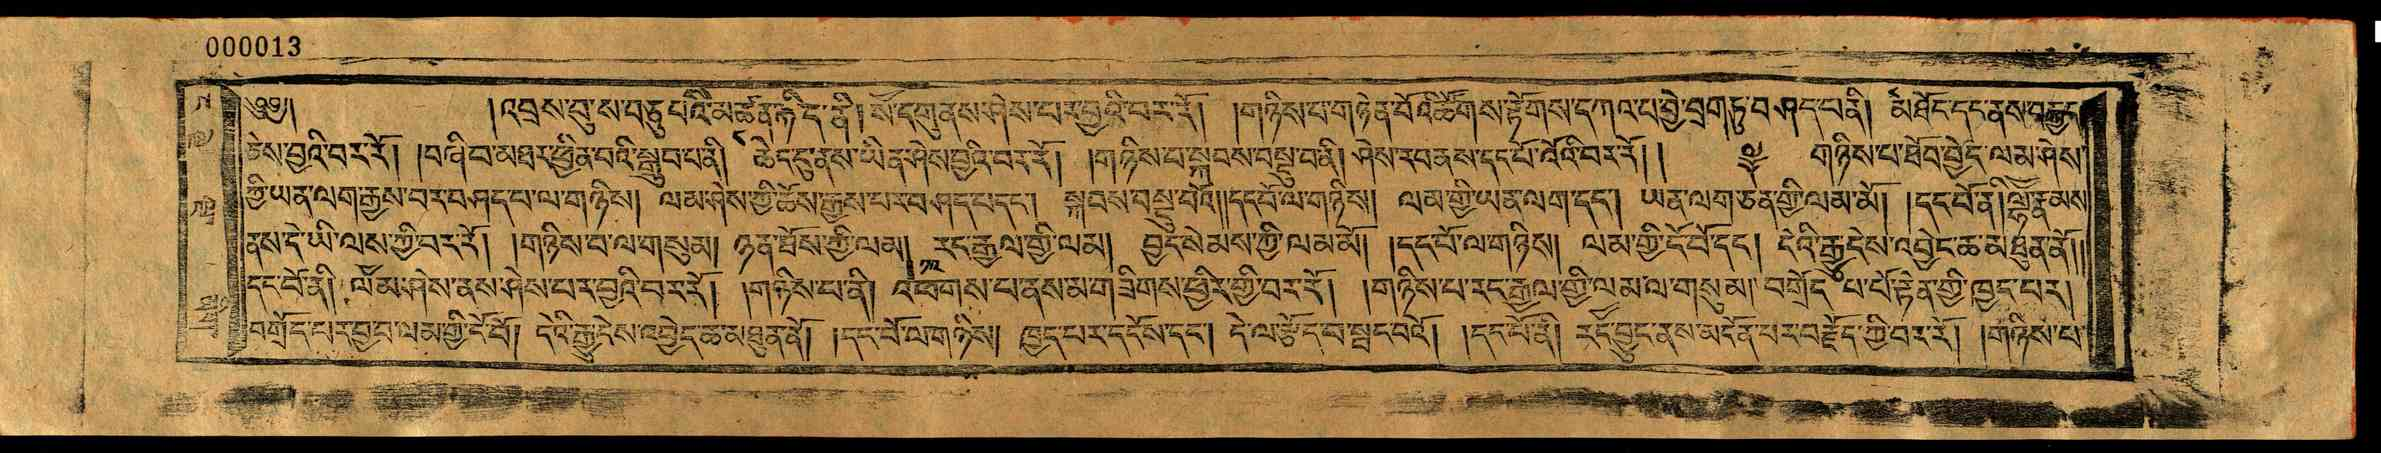༄༅། །འབྲས་བུ་ས་བཅུ་པའི་མཚན་ཉིད་ནི། ས་དགུ་ནས་ཤེས་པར་བྱའི་བར་རོ། །གཉིས་པ་གཉེན་པོའི་ཚོགས་རྟོགས་དཀའ་བ་བྱེ་བྲག་ཏུ་བཤད་པ་ནི། མཐོང་དང་ནས་བརྒྱད་
ཅེས་བྱའི་བར་རོ། །བཞི་པ་མཐར་ཕྱིན་པའི་སྒྲུབ་པ་ནི། ཆེང་དུ་ནས་ཡིན་ཤེས་བྱའི་བར་རོ། །གཉིས་པ་སྐབས་བསྡུ་བ་ནི། ཤེས་རབ་ནས་དང་པོ་འོའི་བར་རོ། ། ༈ གཉིས་པ་ཐོབ་བྱེད་ལམ་ཤེས་
ཀྱི་ཡན་ལག་རྒྱས་པར་བཤད་པ་ལ་གཉིས། ལམ་ཤེས་ཀྱི་ཆོས་རྒྱས་པར་བཤད་པ་དང་། སྐབས་བསྡུ་བའོ། །དང་པོ་ལ་གཉིས། ལམ་གྱི་ཡན་ལག་དང་། ཡན་ལག་ཅན་གྱི་ལམ་མོ། །དང་པོ་ནི། ལྷ་རྣམས་
ནས་དེ་ཡི་ལས་ཀྱི་བར་རོ། །གཉིས་པ་ལ་གསུམ། ཉན་ཐོས་ཀྱི་ལམ། རང་རྒྱལ་གྱི་ལམ། བྱང་སེམས་ཀྱི་ལམ་མོ། །དང་པོ་ལ་གཉིས། ལམ་གྱི་ངོ་བོ་དང་། དེའི་རྒྱུ་ངེས་འབྱེད་ཆ་མཐུན་ནོ། །
དང་པོ་ནི། ལམ་ཤེས་ནས་ཤེས་པར་བྱའི་བར་རོ། །གཉིས་པ་ནི། འཕགས་པ་ནས་མ་གཟིགས་ཕྱིར་གྱི་བར་རོ། །གཉིས་པ་རང་རྒྱལ་གྱི་ལམ་ལ་གསུམ། བགྲོད་པ་པོ་རྟེན་གྱི་ཁྱད་པར།
བགྲོད་པར་བྱ་བ་ལམ་གྱི་ངོ་བོ། དེའི་རྒྱུ་ངེས་འབྱེད་ཆ་མཐུན་ནོ། །དང་པོ་ལ་གཉིས། ཁྱད་པར་དངོས་དང་། དེ་ལ་རྩོད་པ་སྤང་བའོ། །དང་པོ་ནི། རང་བྱུང་ནས་མངོན་པར་བརྗོད་ཀྱི་བར་རོ། །གཉིས་པ་